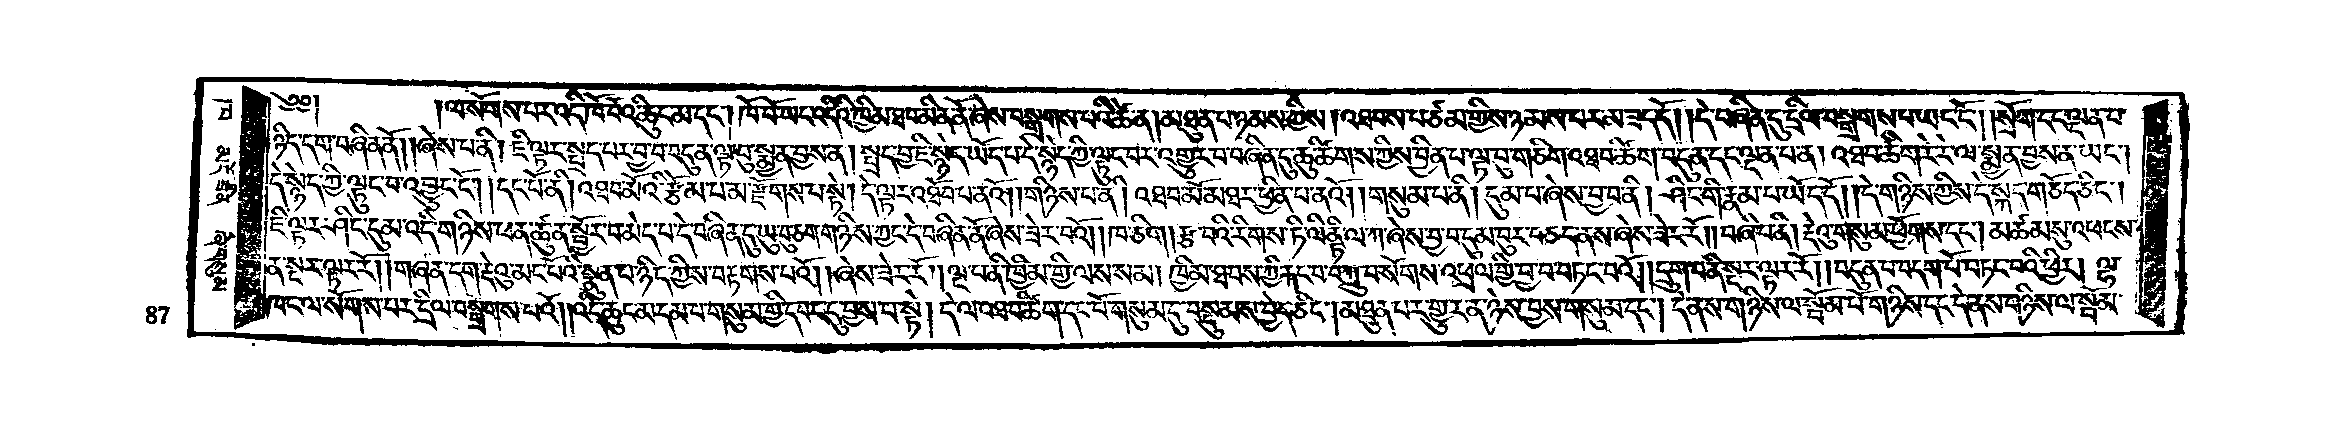༄༅། །ལ་སོགས་པར་འདི་ཁོ་བོའི་ཆུང་མ་དང་། ཁོ་བོ་ཡང་འདིའི་ཁྱིམ་ཐབ་མིན་ནོ་ཞེས་བསྒྲགས་པའི་ཚེ་ན། མཐུན་པ་ཉམས་ཀྱིས། འཐབས་པ་ཙམ་གྱིས་ཉམས་པར་མ་ཟད་དོ། །དེ་བཞིན་དུ་དྲིལ་བསྒྲགས་པ་ཡང་ངོ། །སྲོག་དང་ལྡན་པ་
ཉིད་དག་བཞིན་ནོ། །ཞེས་པ་ནི། ཇི་ལྟར་སྤྲད་པར་བྱ་བ་བདུན་ལྟ་བུ་སྨྱན་བྱས་ན། སྤྲད་བྱ་ཇི་སྙེད་ཡོད་པ་དེ་སྙེད་ཀྱི་ལྟུང་བར་འགྱུར་བ་བཞིན་དུ་ཆུ་ཚིགས་ཀྱིས་བྱིན་པ་ལྟ་བུ་གཅིག་འཐབ་ཚིག་བདུན་དང་ལྡན་པ་ན། འཐབ་ཚིག་རེ་རེ་ལ་སྨྱན་བྱས་ན་ཡང་།
དེ་སྙེད་ཀྱི་ལྟུང་བ་འབྱུང་ངོ། །དང་པོ་ནི། འཐབ་མོའི་རྩོམ་པ་མ་རྫོགས་པ་སྟེ། དེ་ལྟར་འཐོབ་པ་ནའོ། །གཉིས་པ་ནི། འཐབ་མོ་མཐར་ཕྱིན་པ་ནའོ། །གསུམ་པ་ནི། དུམ་པ་ཞེས་བྱ་བ་ནི། ཤིང་གི་རྣམ་པ་ཡོད་དོ། །དེ་གཉིས་ཀྱིས་དེ་སྐད་གཅོད་ཅིང་།
ཇི་ལྟར་ཤིང་དུམ་འདི་གཉིས་ཕན་ཚུན་སྦྱོར་བ་མེད་པ་དེ་བཞིན་དུ་ཡུ་བུ་ཅག་གཉིས་ཀྱང་དེ་བཞིན་ནོ་ཞེས་ཟེར་བའོ། །ཁ་ཅིག།རྩ་བའི་རིགས་ཏི་ལིནྟི་ལ་ཀ་ཞེས་བྱ་བ་དུམ་བུར་བཅད་ནས་ཞེས་ཟེར་རོ། །བཞི་པ་ནི། རྡེའུ་གསུམ་ཕྱོགས་དང་། མཚམས་སུ་འཕངས་
ན་སྔར་ལྟར་རེ། །གཞན་དག་རྡེའུ་མང་པོའི་སྣུན་པ་ཉིད་ཀྱིས་བརྟགས་པའོ། །ཞེས་ཟེར་རོ། །ལྔ་པ་ནི་ཁྱིམ་གྱི་ལས་སམ། ཁྱིམ་ཐབས་ཀྱི་རྐང་པ་བཀྲུ་བ་སོགས་འཕྲལ་གྱི་བྱ་བ་བཏང་བའོ། །དྲུག་པ་ནི་སྔར་ལྟར་རོ། །བདུན་པ་བདག་པོ་བཏང་བའི་ཕྱིར། ལྷ་
ཁང་ལ་སོགས་པར་དྲིལ་བསྒྲགས་པའོ། །འདི་ཆུང་མ་དམ་པ་གསུམ་གྱི་དབང་དུ་བྱས་པ་སྟེ། དེ་ལ་འཐབ་ཚིག་དང་པོ་གསུམ་དུ་བསྡུམས་བྱེད་ཅིང་། མཐུན་པར་གྱུར་ན་ཉེས་བྱས་གསུམ་དང་། དེ་ནས་གཉིས་ལ་སྦོམ་པོ་གཉིས་དང་དེ་ནས་གཉིས་ལ་སྦོམ་